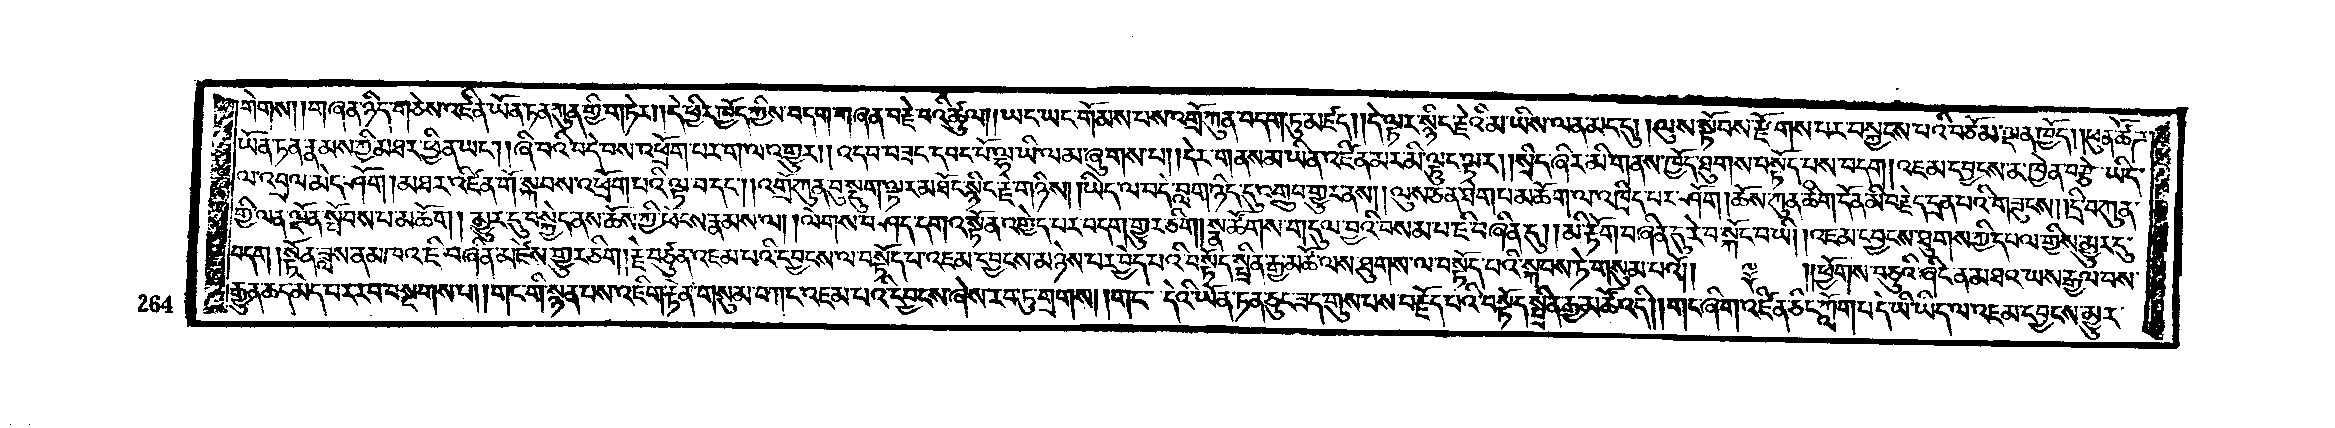གེགས། །གཞན་ཉིད་གཅེས་འཛིན་ཡོན་ཏན་ཀུན་གྱི་གཏེར། །དེ་ཕྱིར་ཁྱོད་ཀྱིས་བདག་གཞན་བརྗེ་བའི་ཚུལ། །ཡང་ཡང་གོམས་པས་འགྲོ་ཀུན་བདག་ཏུ་མཛད། །དེ་ལྟར་སྙིང་རྗེའི་མ་ཡིས་ལན་མང་དུ། །ལུས་སྟོབས་རྫོགས་པར་བསྐྱངས་པའི་བཅོམ་ལྡན་ཁྱོད། །ཕུན་ཚོགས་
ཡོན་ཏན་རྣམས་ཀྱི་མཐར་ཕྱིན་ཡང་། །ཞི་བའི་བདེ་བས་འཕྲོག་པར་ག་ལ་འགྱུར། །འདབ་བཟང་དབང་པོ་ལྷ་ཡི་ལམ་ཞུགས་པ། །དེར་གནས་མ་ཡིན་འཛིན་མར་མི་ལྟུང་ལྟར། །སྲིད་ཞིར་མི་གནས་ཁྱོད་ཐུགས་བསྟོད་པས་བདག །འཇམ་དབྱངས་མཁྱེན་བརྩེ་ཡིད་
ལ་འབྲལ་མེད་ཤོག །མཐར་འཛིན་གོ་སྐབས་འཕྲོག་པའི་ལྟ་བ་དང་། །འགྲོ་ཀུན་བུ་སྡུག་ལྟར་མཐོང་སྙིང་རྗེ་གཉིས། །ཡིད་ལ་བདེ་བླག་ཉིད་དུ་འགྲུབ་གྱུར་ནས། །ལུས་ཅན་ཐེག་པ་མཆོག་ལ་འཁྲིད་པར་ཤོག །ཆོས་ཀུན་ཚིག་དོན་མི་བརྗེད་དྲན་པའི་གཟུངས། །དྲི་བ་ཀུན་
གྱི་ལན་ལྡོན་སྤོབས་པ་མཆོག །མྱུར་དུ་བསྐྱེད་ནས་ཆོས་ཀྱི་ཕོངས་རྣམས་ལ། །ལེགས་བཤད་དགའ་སྟོན་འགྱེད་པར་བདག་གྱུར་ཅིག །སྣ་ཚོགས་གདུལ་བྱའི་བསམ་པ་ཇི་བཞིན་དུ། །མི་རྟོག་བཞིན་དུ་རེ་བ་སྐོང་བ་ཡི། །འཇམ་དབྱངས་ཐུགས་ཀྱི་དཔལ་གྱིས་མྱུར་དུ་
བདག །སྟོན་ཟླས་ནམ་མཁའ་ཇི་བཞིན་མཛེས་གྱུར་ཅིག །རྗེ་བཙུན་འཇམ་པའི་དབྱངས་ལ་བསྟོད་པ་འཇམ་དབྱངས་མཉེས་པར་བྱེད་པའི་བསྟོད་སྤྲིན་རྒྱ་མཚོ་ལས་ཐུགས་ལ་བསྟོད་པའི་སྐབས་ཏེ་གསུམ་པའོ།། ༈ །།ཕྱོགས་བཅུའི་ཞིང་ན་མཐའ་ཡས་རྒྱལ་བས་
རྒྱུན་ཆད་མེད་པར་རབ་བསྔགས་པ། །གང་གི་སྙན་པས་འཇིག་རྟེན་གསུམ་བཀང་འཇམ་པའི་དབྱངས་ཞེས་རབ་ཏུ་གྲགས། །གང་དེའི་ཡོན་ཏན་ཅུང་ཟད་གུས་པས་བརྗོད་པའི་བསྟོད་སྤྲིན་རྒྱ་མཚོ་འདི། །གང་ཞིག་འཛིན་ཅིང་ཀློག་པ་དེ་ཡི་ཡིད་ལ་འཇམ་དབྱངས་མྱུར་